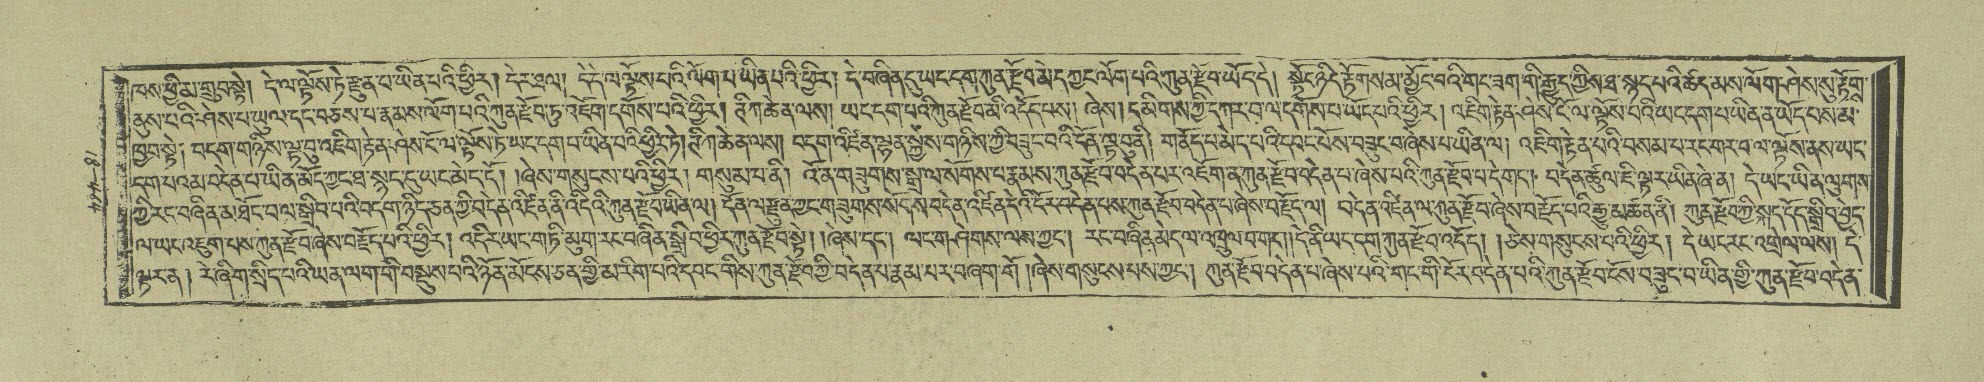ཁས་ཕྱི་མ་གྲུབ་སྟེ། དེ་ལ་ལྟོས་ཏེ་རྫུན་པ་ཡིན་པའི་ཕྱིར། དེར་ཐལ། དེ་དེ་ལ་ལྟོས་པའི་ལོག་པ་ཡིན་པའི་ཕྱིར། དེ་བཞིན་དུ་ཡང་དག་ཀུན་རྫོབ་མེད་ཀྱང་ལོག་པའི་ཀུན་རྫོབ་ཡོད་དེ། སྟོང་ཉིད་རྟོགས་མ་མྱོང་བའི་གང་ཟག་གི་རྒྱུད་ཀྱིས་ཐ་སྙད་པའི་ཚད་མས་ལོག་ཤེས་སུ་རྟོགས་
ནུས་པའི་ཤེས་པ་ཡུལ་དང་བཅས་པ་རྣམས་ལོག་པའི་ཀུན་རྫོབ་ཏུ་འཇོག་དགོས་པའི་ཕྱིར། ཊིཀ་ཆེན་ལས། ཡང་དག་པའི་ཀུན་རྫོབ་མི་འདོད་པས། ཞེས། དམིགས་ཀྱི་དཀར་བ་ལ་དགོས་པ་ཡོད་པའི་ཕྱིར། འཇིག་རྟེན་ཤེས་ངོ་ལ་ལྟོས་པའི་ཡང་དག་པ་ཡིན་ན་ཡོད་པས་མ་
ཁྱབ་སྟེ། བདག་གཉིས་ལྟ་བུ་འཇིག་རྟེན་ཤེས་ངོ་ལ་ལྟོས་ཏེ་ཡང་དག་པ་ཡིན་པའི་ཕྱིར་ཏེ། ཊིཀ་ཆེན་ལས། བདག་འཛིན་ལྷན་སྐྱེས་གཉིས་ཀྱི་བཟུང་བའི་དོན་ལྟ་བུ་ནི། གནོད་པ་མེད་པའི་དབང་པོས་བཟུང་བ་ཞེས་པ་ཡིན་ལ། འཇིག་རྟེན་པའི་བསམ་པ་རང་གར་བ་ལ་ལྟོས་ནས་ཡང་
དག་པའམ་བདེན་པ་ཡིན་མོད་ཀྱང་ཐ་སྙད་དུ་ཡང་མེད་དོ། །ཞེས་གསུངས་པའི་ཕྱིར། གསུམ་པ་ནི། འོ་ན་གཟུགས་སྒྲ་ལ་སོགས་པ་རྣམས་ཀུན་རྫོབ་བདེན་པར་འཇོག་ན་ཀུན་རྫོབ་བདེན་པ་ཞེས་པའི་ཀུན་རྫོབ་པ་དེ་གང་། བདེན་ཚུལ་ཇི་ལྟར་ཡིན་ཞེ་ན། དེ་ཡང་ཡིན་ལུགས་
ཀྱི་རང་བཞིན་མཐོང་ཐལ་སྒྲིབ་པའི་བདག་ཉིད་ཅན་གྱི་བདེན་འཛིན་ནི་འདིའི་ཀུན་རྫོབ་ཡིན་ལ། དོན་ལ་རྫུན་ཀྱང་གཟུགས་སོགས་བདེན་འཛིན་དེའི་ངོར་བདེན་པས་ཀུན་རྫོབ་བདེན་པ་ཞེས་བརྗོད་ལ། བདེན་འཛིན་ལ་ཀུན་རྫོབ་ཞེས་བརྗོད་པའི་རྒྱུ་མཚན་ནི། ཀུན་རྫོབ་ཀྱི་སྐད་དོད་སྒྲིབ་བྱེད་
ལ་ཡང་འཇུག་པས་ཀུན་རྫོབ་ཞེས་བརྗོད་པའི་ཕྱིར། འདིར་ཡང་གཏི་མུག་རང་བཞིན་སྒྲིབ་ཕྱིར་ཀུན་རྫོབ་སྟེ། །ཞེས་དང་། ལང་གཤེགས་ལས་ཀྱང་། རང་བཞིན་མེད་ལ་འཁྲུལ་བ་གང་། །དེ་ནི་ཡང་དག་ཀུན་རྫོབ་འདོད། །ཅེས་གསུངས་པའི་ཕྱིར། དེ་ཡང་རང་འགྲེལ་ལས། དེ་
ལྟར་ན། རེ་ཞིག་སྲིད་པའི་ཡན་ལག་གི་བསྡུས་པའི་ཉོན་མོངས་ཅན་གྱི་མ་རིག་པའི་དབང་གིས་ཀུན་རྫོབ་ཀྱི་བདེན་པ་རྣམ་པར་བཞག་གོ །ཞེས་གསུངས་པས་ཀྱང་། ཀུན་རྫོབ་བདེན་པ་ཞེས་པའི་གང་གི་ངོར་བདེན་པའི་ཀུན་རྫོབ་ངོས་བཟུང་བ་ཡིན་གྱི་ཀུན་རྫོབ་བདེན་